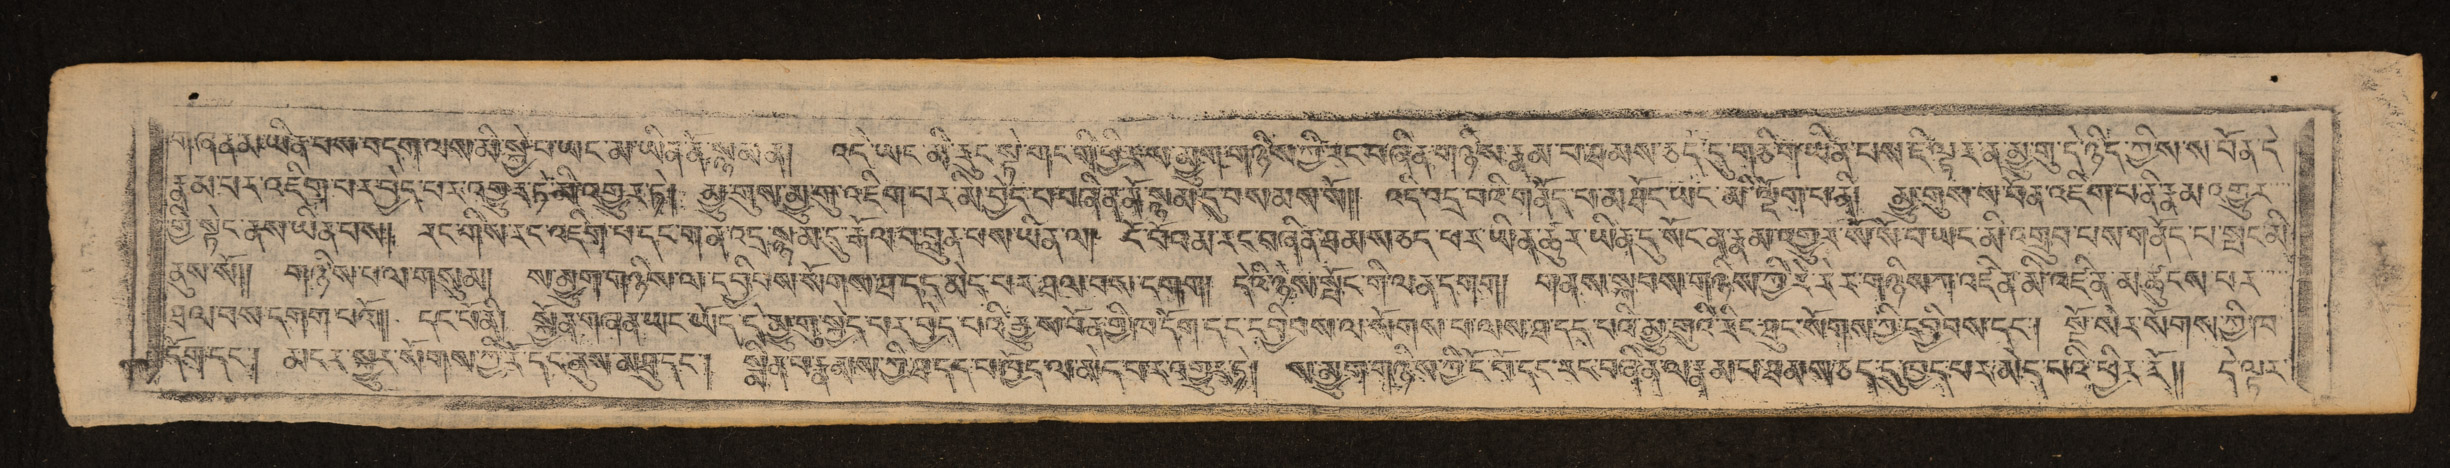གཞན་མ་ཡིན་པས་བདག་ལས་མི་སྐྱེ་པ་ཡང་མ་ཡིན་ནོ་སྙམ་ན། འདི་ཡང་མི་རུང་སྟེ་གང་གི་ཕྱིར་ས་མྱུག་གཉིས་ཀྱི་རང་བཞིན་གཉིས་རྣམ་པ་ཐམས་ཅད་དུ་གཅིག་ཡིན་པས་ཇི་ལྟར་ན་མྱུ་གུ་དེ་ཉིད་ཀྱིས་ས་བོན་དེ་
རྣམ་པར་འཇིག་པར་བྱེད་པར་འགྱུར་ཏེ་མི་འགྱུར་ཏེ། མྱུ་གུས་མྱུ་གུ་འཇིག་པར་མི་བྱེད་པ་བཞིན་ནོ་སྙམ་དུ་བསམས་སོ།། འདི་འདྲ་བའི་གནོད་པ་མཐོང་ཡང་མི་ལྡོག་པ་ནི། མྱུ་གུས་ས་བོན་འཇིག་པ་ནི་རྣམ་འགྱུར་
གྱི་སྟེང་ནས་ཡིན་པས། རང་གིས་རང་འཇིག་པ་དང་ག་ན་འདྲ་སྙམ་དུ་རྒོལ་བ་བླུན་པས་ཡིན་ལ། ངོ་བོའམ་རང་བཞིན་ཐམས་ཅད་ཕར་ཡིན་ཚུར་ཡིན་དུ་སོང་ན་རྣམ་འགྱུར་སོ་སོ་བ་ཡང་མི་འགྲུབ་པས་གནོད་པ་སྤང་མི་
ནུས་སོ།། གཉིས་པ་ལ་གསུམ། ས་མྱུག་གཉིས་ལ་དབྱིབས་སོགས་ཐ་དད་མེད་པར་ཐལ་བས་དགག། དེའི་ཉེས་སྤོང་གི་ལན་དགག། གནས་སྐབས་གཉིས་ཀྱི་རེ་རེར་གཉིས་ཀ་འཛིན་མི་འཛིན་མཚུངས་པར་
ཐལ་བས་དགག་པའོ།། དང་པོ་ནི། སྐྱོན་གཞན་ཡང་ཡོད་དེ་མྱུ་གུ་སྐྱེད་པར་བྱེད་པའི་རྒྱུ་ས་བོན་གྱི་ཁ་དོག་དང་དབྱིབས་ལ་སོགས་པ་ལས་ཐ་དད་པའི་མྱུ་གུའི་རིང་ཐུང་སོགས་ཀྱི་དབྱིབས་དང་། སྔོ་སེར་སོགས་ཀྱི་ཁ་
དོག་དང་། མངར་སྐྱུར་སོགས་ཀྱི་རོ་དང་ནུས་མཐུ་དང་། སྨིན་པ་རྣམས་ཀྱི་ཐ་དད་པ་ཁྱོད་ལ་མེད་པར་འགྱུར་ཏེ། ས་མྱུག་གཉིས་ཀྱི་ངོ་བོ་དང་རང་བཞིན་ལ་རྣམ་པ་ཐམས་ཅད་དུ་ཁྱད་པར་མེད་པའི་ཕྱིར་རོ།། དེ་ལྟར་